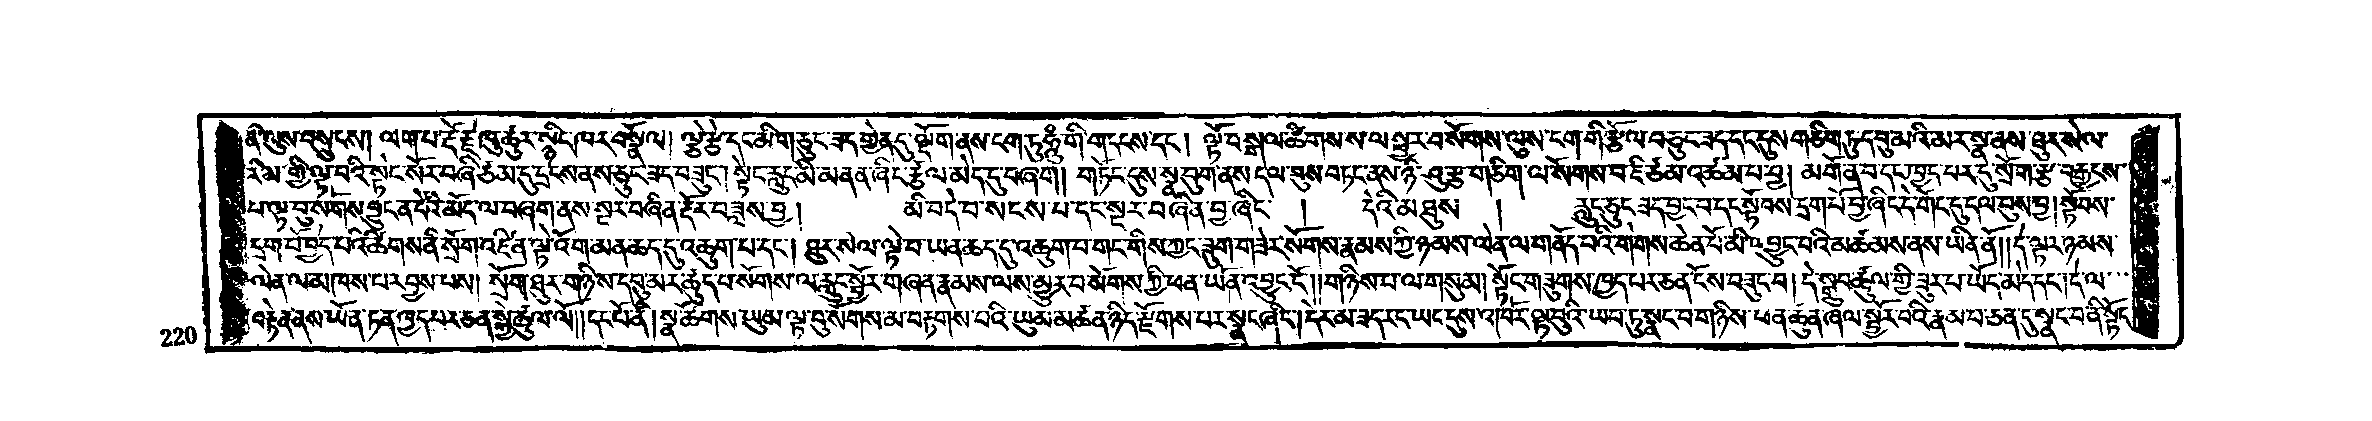ནི་ལུས་བསྲུངས། ལག་པ་རྡོ་རྗེ་ཁུ་ཚུར་སྙིང་ཁར་བ་སྣོལ། ལྕེ་རྩེ་དང་མིག་ཅུང་ཟད་གྱེན་དུ་ལྡོག་ནས་ངག་ཏུ་ཧཱུཾ་གྱི་གདངས་དང་། ལྟོ་བ་སྒལ་ཚིགས་ས་ལ་སྦྱར་བ་སོགས་ལུས་ངག་གི་རྩོལ་བ་ཅུང་ཟད་དང་དུས་གཅིག་ཏུ་དབུ་མའི་མར་སྣ་ནས་ཐུར་སེལ་
རིམ་གྱི་ལྟ་བའི་སྟེང་སོར་བཞི་ཙམ་དུ་དྲངས་ནས་ཅུང་ཟད་བཟུང་། སྟེང་རླུང་མི་མནན་ཞིང་རྩོལ་མེད་དུ་བཞག །གཏོང་དུས་སྣ་བུག་ནས་དལ་བུས་བཏང་ནས་ཉི་ཤུ་རྩ་གཅིག་ལ་སོགས་པ་ཇི་ཙམ་འཚམ་པ་བྱ། མགོན་བ་དང་ཁྱད་པར་དུ་སྲོག་རྩ་བརྒྱངས་
པ་ལྟ་བུ་སོགས་བྱུང་ན་དེའི་མོད་ལ་བཞག་ནས་སྔར་བཞིན་རྡོར་བཟླས་བྱ། མི་བདེ་བ་སངས་པ་དང་སྔར་བཞིན་བྱ་ཞིང་། དེའི་མཐུས། རླུང་ཅུང་ཟད་བྱང་བ་དང་སྟོབས་དྲག་པོ་བྱ་ཞིང་དེ་གོང་དུ་དལ་བུས་བྱ། སྟོབས་
དྲག་པོ་བྱེད་པའི་ཚིགས་ནི་སྲོག་འཛིན་ལྟེ་འོག་མན་ཆད་དུ་འཆུག་པ་དང་། ཐུར་སེལ་ལྟེ་བ་ཡན་ཆད་དུ་འཆུག་པ་གང་གིས་ཀྱང་ཟུག་གཟེར་སོགས་རྣམས་ཀྱི་ཉམས་ལེན་ལ་གནོད་པའི་གེགས་ཆེན་པོ་མི་འབྱུང་བའི་མཚམས་ནས་ཡིན་ནོ། །དེ་ལྟར་ཉམས་
ལེན་ལ་མཁས་པར་བྱས་པས། སྲོག་ཐུར་གཉིས་དབུ་མར་ཚུད་པ་སོགས་ལ་རླུང་སྦྱོར་གཞན་རྣམས་ལས་མྱུར་བ་སོགས་ཀྱི་ཕན་ཡོན་འབྱུང་ངོ། །གཉིས་པ་ལ་གསུམ། སྟོང་གཟུགས་ཁྱད་པར་ཅན་ངོས་བཟུང་བ། དེ་སྒྲུབ་ཚུལ་གྱི་ཟུར་པ་ཡོད་མེད་དང་། དེ་ལ་བརྟེན་ནས་ཡོན་ཏན་ཁྱད་པར་ཅན་སྐྱེ་ཚུལ་ལོ། །དང་པོ་ནི། སྣ་ཚོགས་ཡུམ་ལྟ་བུ་སོགས་མ་བརྟགས་པའི་ཡུམ་མཚན་ཉིད་རྫོགས་པར་སྣང་ཞིང་། དེར་མ་ཟད་རང་ཡང་དུས་འཁོར་ལྟ་བུའི་ཡབ་ཏུ་སྣང་བ་གཉིས་ཕན་ཚུན་ཞལ་སྦྱོར་བའི་རྣམ་པ་ཅན་དུ་སྣང་བ་ནི་སྟོང་